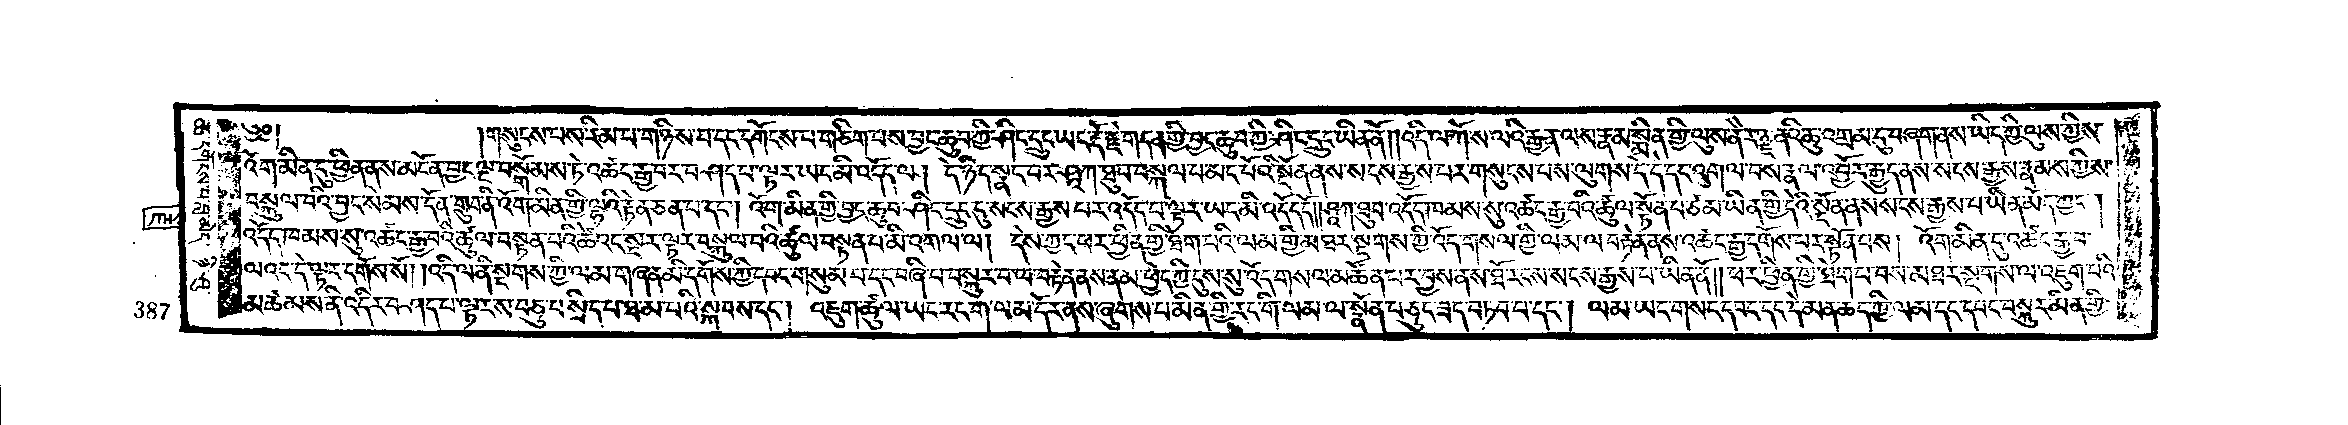༄༅། །གསུངས་པས་རིམ་པ་གཉིས་པ་དང་དགོངས་པ་གཅིག་པས་བྱང་ཆུབ་ཀྱི་ཤིང་དྲུང་ཡང་རྡོ་རྗེ་གདན་གྱི་བྱང་ཆུབ་ཀྱི་ཤིང་དྲུང་ཡིན་ནོ། །འདི་ལ་ཀོ་ས་ལའི་རྒྱན་ལས་རྣམ་སྨིན་གྱི་ལུས་ནཻ་རྙྫ་ནའི་ཆུ་འགྲམ་དུ་བཞག་ནས་ཡིད་ཀྱི་ལུས་ཀྱིས་
འོག་མིན་དུ་ཕྱིན་ནས་མངོན་བྱང་ལྔ་བསྒོམས་ཏེ་འཚང་རྒྱ་བར་བཤད་པ་ལྟར་ཡིད་མི་འདོད་ལ། དེ་ཉིད་སྣང་བར་ཤཱཀྱ་ཐུབ་བསྐལ་པ་མང་པོའི་སྔོན་ནས་སངས་རྒྱས་པར་གསུངས་པས་ལུགས་དེ་དེ་དང་འགལ་བས་རྣལ་འབྱོར་རྒྱུད་ནས་སངས་རྒྱས་རྣམས་ཀྱིས་
བསྐུལ་བའི་བྱང་སེམས་དོན་གྲུབ་ནི་འོག་མིན་གྱི་ལྷའི་རྟེན་ཅན་པ་དང་། འོག་མིན་གྱི་བྱང་ཆུབ་ཤིང་དྲུང་དུ་སངས་རྒྱས་པར་འདོད་པ་ལྟར་ཡང་མི་འདོད་དོ། །ཤཱཀྱ་ཐུབ་འདོད་ཁམས་སུ་འཚང་རྒྱ་བའི་ཚུལ་སྟོན་པ་ཙམ་ཡིན་གྱི་དེའི་སྔོན་ནས་སངས་རྒྱས་པ་ཡིན་མོད་ཀྱང་།
འདོད་ཁམས་སུ་འཚང་རྒྱ་བའི་ཚུལ་བསྟན་པའི་ཚེའང་སྔར་ལྟར་བསྐུལ་བའི་ཚུལ་བསྟན་པ་མི་འགལ་ལ། དེས་ཀྱང་ཕར་ཕྱིན་གྱི་ཐེག་པའི་ལམ་གྱི་མཐར་སྔགས་ཀྱི་འོད་གསལ་གྱི་ལམ་ལ་བརྟེན་ནས་འཚང་རྒྱ་དགོས་པར་སྟོན་པས། འོག་མིན་དུ་འཚང་རྒྱ་བ་
ལའང་དེ་ལྟར་དགོས་སོ། །འདི་ལ་ནི་སྔགས་ཀྱི་ལམ་གཞན་མི་དགོས་ཀྱི་དབང་གསུམ་པ་དང་བཞི་པ་བསྐུར་བ་ལ་བརྟེན་ནས་ནམ་ཕྱེད་ཀྱི་དུས་སུ་འོད་གསལ་མཚོན་པར་བྱས་ནས་ཐོ་རངས་སངས་རྒྱས་པ་ཡིན་ནོ། །ཕར་ཕྱིན་གྱི་ཐེག་པ་བས་མཐར་སྔགས་ལ་འཇུག་པའི་
མཚམས་ནི་འདིར་བཤད་པ་ལྟར་ས་བཅུ་པ་སྲིད་པ་ཐ་མ་བའི་སྐབས་དང་། འཇུག་ཚུལ་ཡང་རང་གི་ལམ་དོར་ནས་ཞུགས་པ་མིན་གྱི་རང་གི་ལམ་ལ་སྣོན་པ་ཅུང་ཟད་བཏབ་པ་དང་། ལམ་ཡང་གསང་དབང་དང་དེ་མན་ཆད་ཀྱི་ལམ་དང་དབང་བསྐུར་མིན་གྱི་